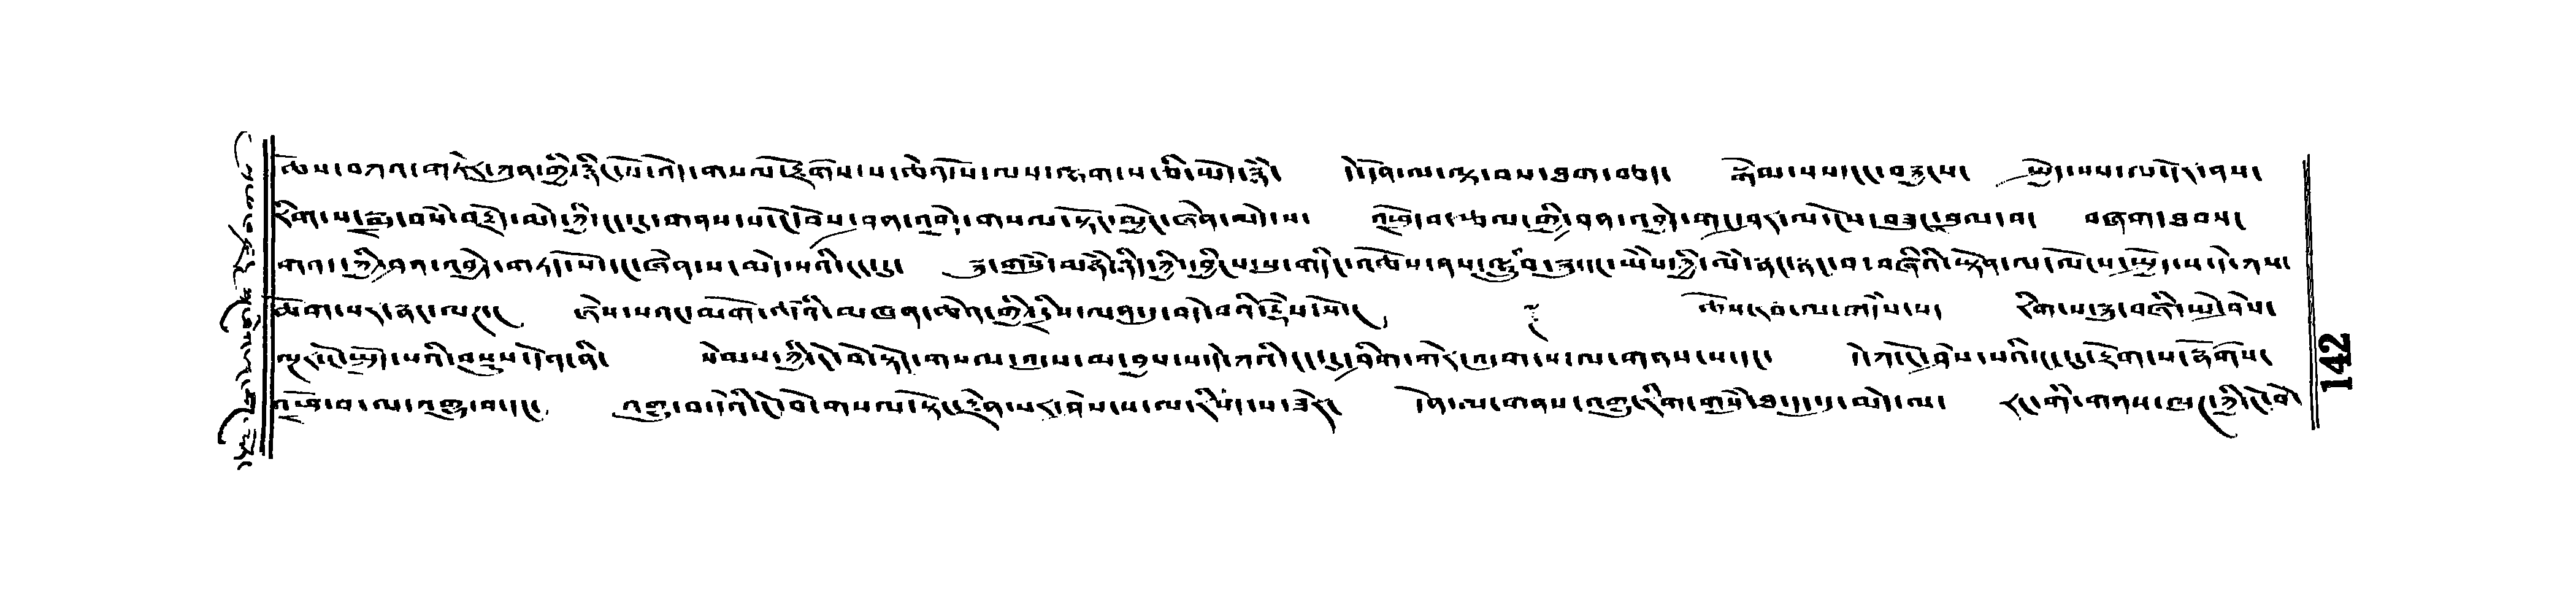༈ ཆོས་བཀའ་གཏེར་ཀུན་གྱི་སྙིང་པོ་འོད་གསལ་རྫོགས་པ་ཆེན་པོ་ལས་ལྷག་པ་ཅི་ཡོད་སྙམ། དེ་དོན་ལ་ལྟ་བས་ཐག་བཅད། སྒོམ་པས་ངང་བསྐྱངས། སྤྱོད་པས་ལ་དོར་ནས་
རིག་པ་སྨྲ་བསམ་བརྗོད་མེད་ཀྱི་ངང་དུ་གནས་པ་ངོ་བོའི་ཤན་འབྱེད་གསལ་སྟོང་མྱོང་ཞེན་མེད་པ། འཕྲོ་བ་རྩལ་གྱི་ཤན་འབྱེད་གང་ཤར་ལ་ངོས་བཟུང་བྲལ་བ། བཞག་ཐབས་
གནད་ཀྱི་ཤན་འབྱེད་གཏད་སོ་དང་ཞེན་པ་མེད་པའི་ངང་དུ། སྐུ་གསུམ་མཉམ་ཉིད་ཀྱི་དབྱིངས་སུ་གདིང་འཆོས་ནས་ལྷུན་གྲུབ་སྐུ་དང་ཡེ་ཤེས་ཀྱི་ལམ་སྣང་སྣང་བ་བཞིའི་ཡོན་ཏན་ལ་ལོངས་སྤྱོད་པ་དེ་ཀས་
ཆོག་པར་སྣང་ལགས། ཞེས་པའང་མགོ་ཚའི་མཁན་ཆེན་གྱི་དྲིས་ལན་དུ་བདེ་བའི་རྡོ་རྗེས་སོ།། ༈ ཆོས་རབ་ལ་གདམས་པ། རིག་པ་སྐུ་བཞི་ཡེ་ཤེས་
ལྔར་ངོ་སྤྲོད་པའི་བསྡུས་དོན་ནི། སེམས་ཀྱི་ངོ་བོ་སྟོང་གསལ་འདུས་མ་བྱས་པ་དེ་ཀའི་ངང་དུ་ཤིག་གེར་འདུག་པ་ལ་གནས་པ་དང་། དེ་ཀ་ངོ་ཤེས་པའི་ངང་དུ་རྟོག་པ་སྣ་ཚོགས་
འཕྲོ་བ་ལ་འགྱུ་བ་དང་། འགྱུ་བ་དེའི་ངོ་བོ་གསལ་སྟོང་རྗེན་པར་ཤེས་པ་ལ་རིག་པ་ཟེར། དོན་ལ་གནས་འགྱུ་རིག་གསུམ་ཐ་དད་དུ་མེད་ལ། རང་གི་གནས་ལུགས་ཀྱི་ངོ་བོ